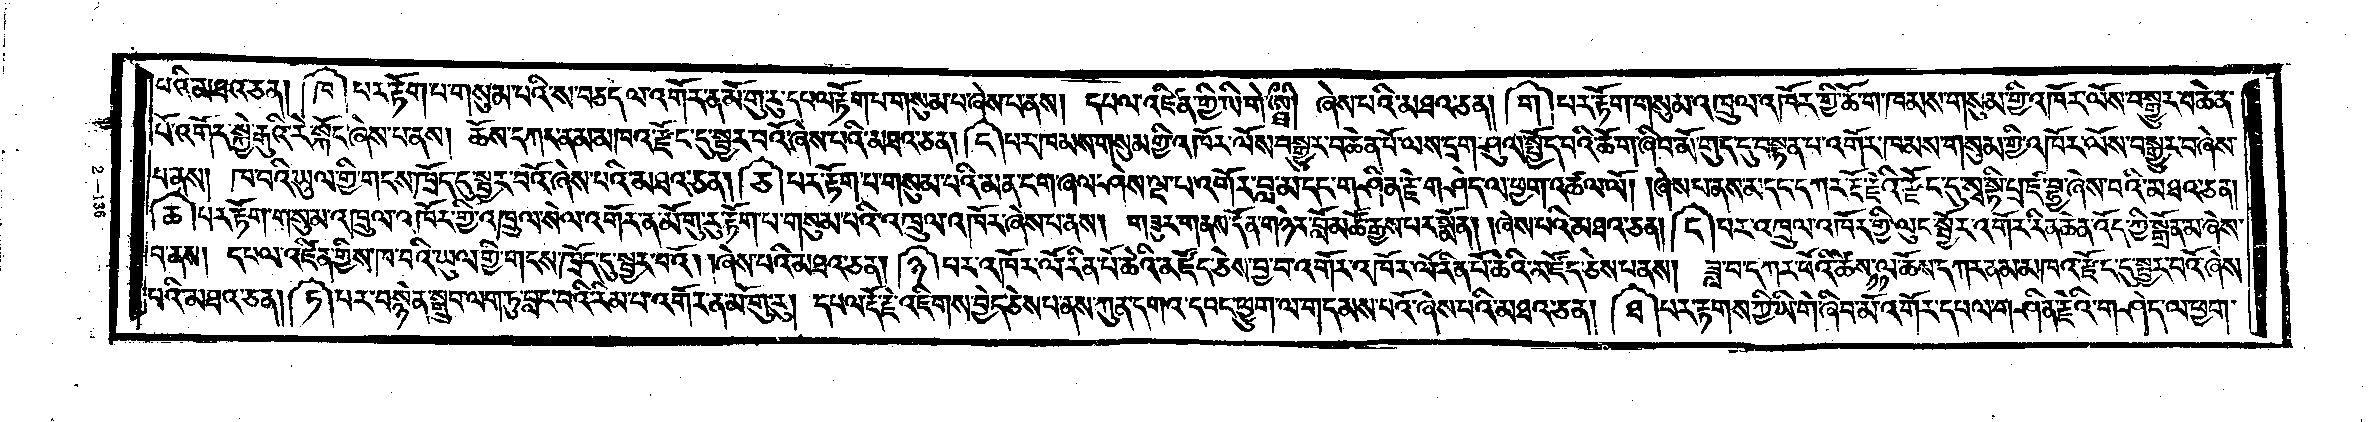པའི་མཐའ་ཅན། ༼ཁ༽ པར་རྟོག་པ་གསུམ་པའི་ས་བཅད་ལ་འགོར་ན་མོ་གུ་རུ་དཔལ་རྟོག་པ་གསུམ་པ་ཞེས་པ་ནས། དཔལ་འཛིན་གྱི་ཡི་གེ་ཨྀཐི། ཞེས་པའི་མཐའ་ཅན། ༼ག༽ པར་རྟོག་གསུམ་འཁྲུལ་འཁོར་གྱི་ཆོ་ག་ཁམས་གསུམ་གྱི་འཁོར་ལོས་བསྒྱུར་བ་ཆེན་
པོ་འགོར་སྐྱེ་རྒུའི་རེ་སྐོང་ཞེས་པ་ནས། ཆོས་དཀར་ནམ་མཁའ་རྫོང་དུ་སྦྱར་བའོ་ཞེས་པའི་མཐའ་ཅན། ༼ང༽ པར་ཁམས་གསུམ་གྱི་འཁོར་ལོས་བསྒྱུར་བ་ཆེན་པོ་ལས་དྲག་ཤུལ་སྤྱོད་པའི་ཆོ་ག་ཞིབ་མོ་གུད་དུ་བསྟན་པ་འགོར་ཁམས་གསུམ་གྱི་འཁོར་ལོས་བསྒྱུར་བ་ཞེས་
པ་ནས། ཁ་བའི་ཡུལ་གྱི་གངས་ཁྲོད་དུ་སྦྱར་བའོ་ཞེས་པའི་མཐའ་ཅན། ༼ཅ༽ པར་རྟོག་པ་གསུམ་པའི་མན་ངག་ཞལ་ཤེས་ལྔ་པ་འགོར་བླ་མ་དང་གཤིན་རྗེ་གཤེད་ལ་ཕྱག་འཚལ་ལོ། །ཞེས་པ་ནས་མ་དང་དཀར་རྡོ་རྗེའི་རྫོང་དུ་སྭ་སྟི་པྲཛ་བྷྱ་ཞེས་པའི་མཐའ་ཅན།
༼ཆ༽ པར་རྟོག་གསུམ་འཁྲུལ་འཁོར་གྱི་འཁྲུལ་སེལ་འགོར་ན་མོ་གུ་རུ་རྟོག་པ་གསུམ་པའི་འཁྲུལ་འཁོར་ཞེས་པ་ནས། གཟུར་གནས་དོན་གཉེར་བློ་མཚོ་རྒྱས་པར་སྨོན། །ཞེས་པའི་མཐའ་ཅན། ༼ང༽ པར་འཁྲུལ་འཁོར་གྱི་ལུང་སྦྱོར་འགོར་རིན་ཆེན་འོད་ཀྱི་སྒྲོན་མ་ཞེས་
བ་ནས། དཔལ་འཛིན་གྱིས་ཁ་བའི་ཡུལ་གྱི་གངས་ཁྲོད་དུ་སྦྱར་བའོ། །ཞེས་པའི་མཐའ་ཅན། ༼ཉ༽ པར་འཁོར་ལོ་རིན་པོ་ཆེའི་མཛོད་ཅེས་བྱ་བ་འགོར་འཁོར་ལོ་རིན་པོ་ཆེའི་མཛོད་ཅེས་པ་ནས། ཟླ་བ་དཀར་པོའི་ཚེས ༡༡་ལ་ཆོས་དཀར་ནམ་མཁའ་རྫོང་དུ་སྦྱར་བའོ་ཞེས་
བའི་མཐའ་ཅན། ༼ཏ༽ པར་བསྙེན་སྒྲུབ་ལག་ཏུ་བླང་བའི་རིམ་པ་འགོར་ན་མོ་གུ་རུ། དཔལ་རྡོ་རྗེ་འཇིགས་བྱེད་ཅེས་པ་ནས་ཀུན་དགའ་དབང་ཕྱུག་ལ་གདམས་པའོ་ཞེས་པའི་མཐའ་ཅན། ༼ཐ༽ པར་རྟགས་ཀྱི་ཡི་གེ་ཞིབ་མོ་འགོར་དཔལ་གཤིན་རྗེའི་གཤེད་ལ་ཕྱག་